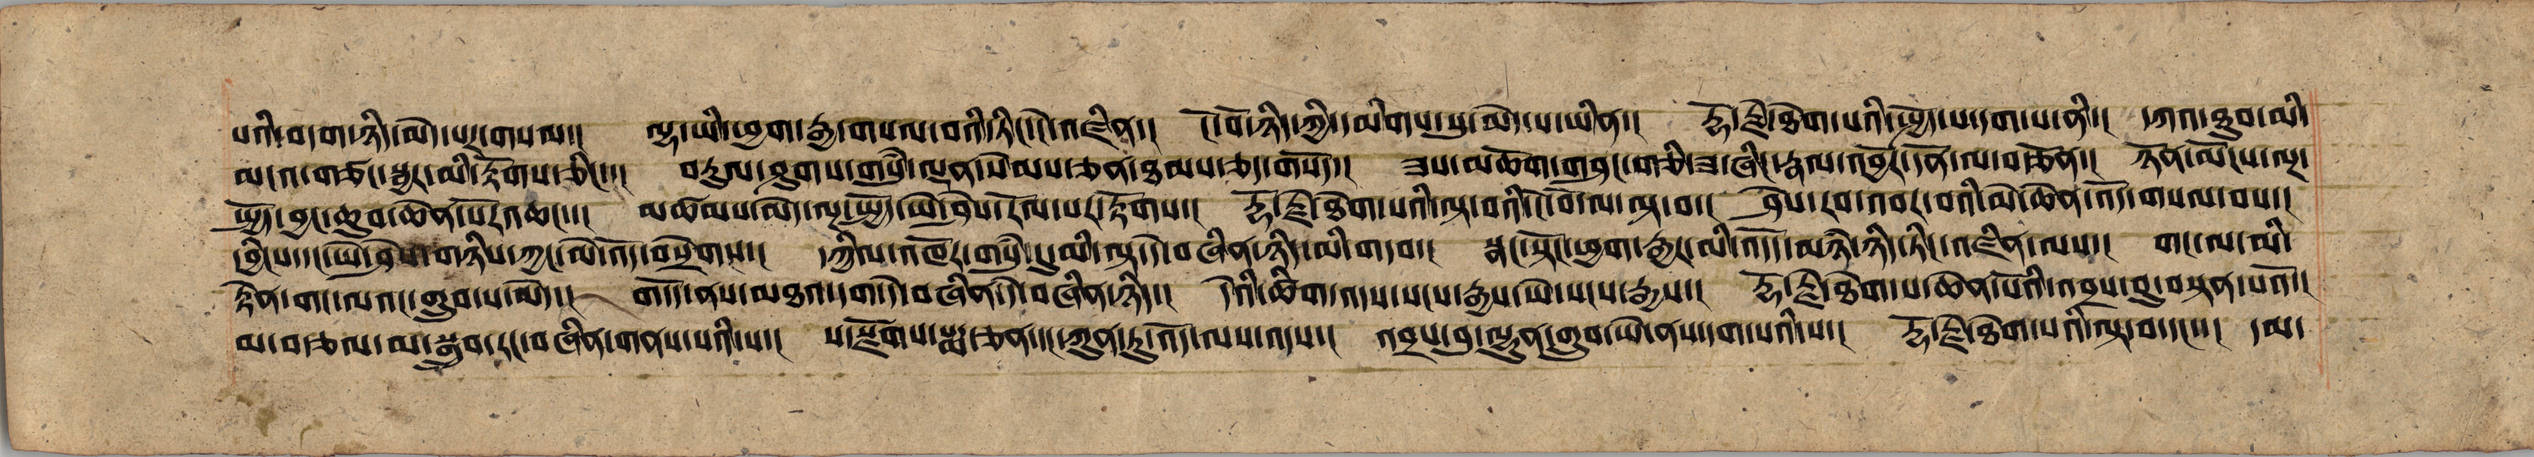པའི་བདག་ཉིད་མེད་པར་གསལ་། ལྷ་ཡི་ཕྱག་རྒྱ་གསལ་བའི་ཏིང་ངེ་འཛིན་། ངོ་བོ་ཉིད་ཀྱི་དམིགས་སུ་མེད་པ་ཡིན་། རྡོ་རྗེ་ཐེག་པའི་སྤྱོད་པ་དག་པ་ནི་། དཀའ་ཐུབ་མི་
མདའ་གཙང་སྦྱར་མི་རྟོགས་ཅིང་། བཏུལ་ཤུགས་གསུཾ་ལྡན་སེམས་ཅན་ཐམས་ཅད་གསོད་། ཟས་མཆོག་གཤང་གཅི་ཟ་ཞིང་རྣལ་འབྱོར་དོན་ལ་བརྩོན་། ཉོན་མོངས་ལྔ་
སྤྱོད་བྱང་ཆུབ་ཆེན་པོར་འཆང་་། མཚམས་མེད་ལྔ་སྤྱོད་མེ་ཤེས་རོལ་པར་རྟོགས་། རྡོ་རྗེ་ཐེག་པའི་ལྟ་བའི་ངོ་བོ་ལ་ལྟ་བ་། ཤེས་རབ་འབར་བའི་མེ་ཆེན་འོད་གསལ་བས་།
དབྱིངས་དང་ཡེ་ཤེས་གཉིས་ཀྱང་མེ་འོད་བསྲེགས་། དཀྱིལ་འཁོར་གསུཾ་དུ་མི་ལྟ་དེ་བཞིན་ཉིད་མི་གདབ་། སྣང་སྟོང་ཕྱག་རྒྱར་མི་འདོད་མཉཾ་ཉིད་ཏིང་འཛིན་ལས་། གང་ལ་མི་
རྟེན་གང་ལའང་གྲུབ་པ་མེད་ད། གདོད་ནས་མཐའ་དག་དེ་བཞིན་དེ་བཞིན་ཉིད་། དེའི་ཚིག་འདས་སངས་རྒྱས་ཡེ་སངས་རྒྱས་། རྡོ་རྗེ་ཐེག་པ་ཆེན་པོའི་འབྲས་བུ་བསྟན་པའོ་།
མ་བརྩལ་མ་སྒྲུབ་རང་བཞིན་གནས་པའི་ས་། ས་སྫོགས་པདྨ་ཅན་དང་ཀུན་ཏུ་འདོ་ལས་འདས་། འབྲས་བུ་ལྷུན་གྲུབ་ཡེ་ནས་དག་པའི་ས་། རྡོ་རྗེ་ཐེག་པའི་ལྟ་བ་དངས། དམ་